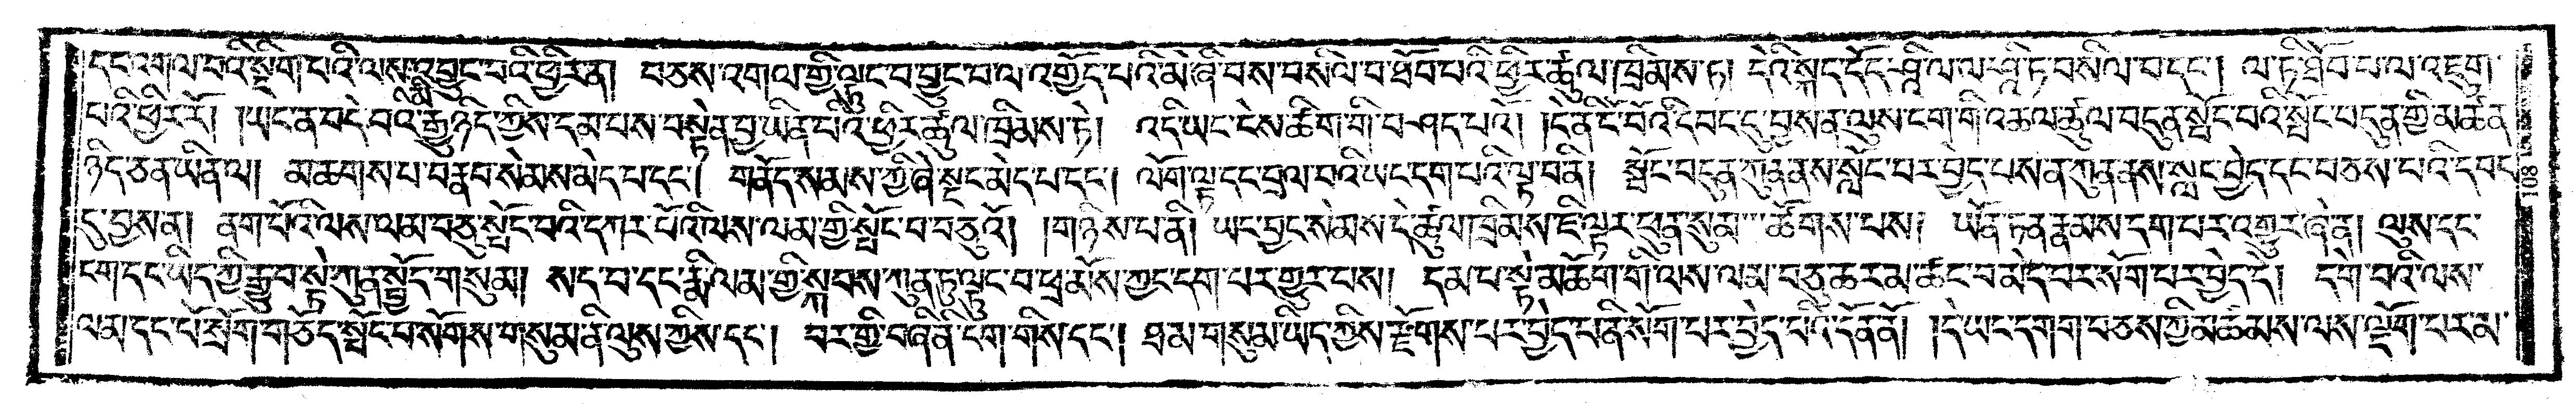དང་འགལ་བའི་སྡིག་པའི་ལས་མི་འབྱུང་བའི་ཕྱིར་ན། བཅས་འགལ་གྱི་ལྟུང་བ་བྱུང་བ་ལ་འགྱོད་པའི་མེ་ཞི་བས་བསིལ་བ་ཐོབ་པའི་ཕྱིར་ཚུལ་ཁྲིམས་ཏེ། དེའི་སྐད་དོད་ཤཱི་ལ་ལ་ཤཱི་ཏ་བསིལ་བ་དང་། ལ་ཏི་ཐོབ་པ་ལ་འཇུག་
པའི་ཕྱིར་རོ། །ཡང་ན་བདེ་བའི་རྒྱུ་ཉིད་ཀྱིས་དམ་པས་བསྟེན་བྱ་ཡིན་པའི་ཕྱིར་ཚུལ་ཁྲིམས་ཏེ། འདི་ཡང་ངེས་ཚིག་གི་བཤད་པའོ། །དེ་ནི་ངོ་བོའི་དབང་དུ་བྱས་ན་ལུས་ངག་གི་འཆལ་ཚུལ་བདུན་སྤོང་བའི་སྤོང་བདུན་གྱི་མཚན་
ཉིད་ཅན་ཡིན་ལ། མ་ཆགས་པ་བརྣབ་སེམས་མེད་པ་དང་། གནོད་སེམས་ཀྱི་ཞེ་སྡང་མེད་པ་དང་། ལོག་ལྟ་དང་བྲལ་བའི་ཡང་དག་པའི་ལྟ་བ་ནི། སྤོང་བདུན་ཀུན་ནས་སློང་བར་བྱེད་པས་ན་ཀུན་ནས་སློང་བྱེད་དང་བཅས་པའི་དབང་
དུ་བྱས་ན། ནག་པོའི་ལས་ལམ་བཅུ་སྤོང་བའི་དཀར་པོའི་ལས་ལམ་གྱི་སྤོང་བ་བཅུའོ། །གཉིས་པ་ནི། ཡང་བྱང་སེམས་དེ་ཚུལ་ཁྲིམས་ཇི་ལྟར་ཕུན་སུམ་ཚོགས་པས། ཡོན་ཏན་རྣམས་དག་པར་འགྱུར་ཞེ་ན། ལུས་དང་
ངག་དང་ཡིད་ཀྱི་རྒྱུ་བ་སྟེ་ཀུན་སྤྱོད་གསུམ། སད་པ་དང་རྨི་ལམ་གྱི་སྐབས་ཀུན་ཏུ་ལྟུང་བ་ཕྲ་མོས་ཀྱང་དག་པར་གྱུར་བས། དམ་པ་སྟེ་མཆོག་གི་ལས་ལམ་བཅུ་ཆར་མ་ཚང་བ་མེད་པར་སོག་པར་བྱེད་དེ། དགེ་བའི་ལས་
ལམ་དང་པོ་སྲོག་གཅོད་སྤོང་བ་སོགས་གསུམ་ནི་ལུས་ཀྱིས་དང་། བར་གྱི་བཞི་ནི་ངག་གིས་དང་། ཐ་མ་གསུམ་ཡིད་ཀྱིས་རྫོགས་པར་བྱེད་པ་ནི་སོག་པར་བྱེད་པའི་དོན་ནོ། །དེ་ཡང་དགག་བཅས་ཀྱི་མཚམས་ལས་ལྡོག་པར་མ་